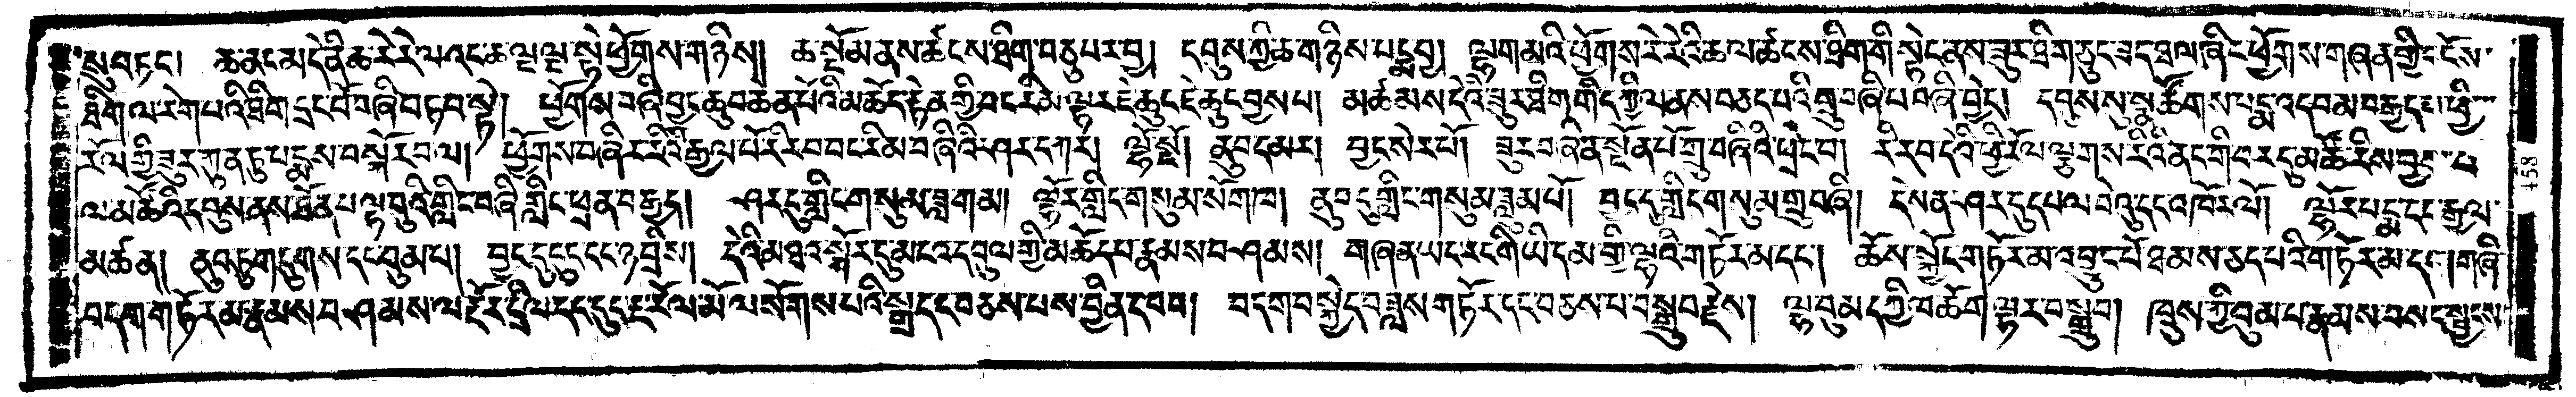སུབ་ཏང་། ཆ་ནང་བདེ་ནི་ཆ་རེ་རེ་ལའང་ཆ་ལྔ་ལྔ་སྟེ་ཕྱོགས་གཉིས། ཆ་སྔོམ་ནས་ཚངས་ཐིག་བཅུ་པར་བྱ། དབུས་ཀྱི་ཆ་གཉིས་པདམ་བྱ། ལྷག་མའི་ཕྱོགས་རེ་རེའི་ཆལ་ཚངས་ཐིག་གི་སྟེང་ནས་ཟུར་ཐིག་ཅུང་ཟད་ཐལ་ཞིང་ཕྱོགས་གཞན་གྱིས་ངོས་
ཐིག་ལ་རེག་པའི་ཐིག་དྲང་པོ་བཞི་བཏབ་སྟེ། ཕྱོགས་བཞི་བྱང་ཆུབ་ཆེན་པོའི་མཆོད་རྟེན་གྱི་བང་རིམ་ལྟར་ཇེ་ཆུང་ཇེ་ཆུང་བྱས་པ། མཚམས་དེའི་ཟུར་ཐིག་གི་དཀྱིལ་ནས་བཅད་པའི་གྲུབ་བཞི་པ་བཞི་བྱེད། དབུས་སུ་སྣ་ཚོགས་པདམ་འདབ་མ་བརྒྱད་པ་ཕྱི་
རོལ་གྱི་ཟུར་ཀུན་ཏུ་པདམས་བསྐོར་བ་ལ། ཕྱོགས་བཞིར་རིའི་རྒྱལ་པོ་རི་རབ་བང་རིམ་བཞིའི་ཤར་དཀར། ལྷོ་སྔོ། ནུབ་དམར། བྱང་སེར་པོ། ཟུར་བཞིན་སྔོན་པོ་གྲུ་བཞིའི་ཕྲེང་བ། རི་རབ་དེའི་ཕྱི་རོལ་ལྕགས་རིའི་ནང་གི་བར་དུ་མཚོ་རིས་བྱས་པ་
ལ་མཚོའི་དབུས་ནས་ཐོན་པ་ལྟ་བུའི་གླིང་བཞི་གླིང་ཕྲན་བརྒྱད། ཤར་དུ་གླིང་གསུམ་ཟླ་གམ། ལྷོར་གླིང་གསུམ་སོག་ཁ། མཚན། ནུབ་ཏུག་གདུགས་དང་བུམ་པ། བྱང་དུ་དུང་དང་ཉ་བྲིས། ན་ཤར་དུ་དཔལ་བེའུ་དང་འཁོར་ལོ། ལྷོར་པདམ་དང་རྒྱལ་
མཚན། ནུབ་ཏུ་གདུགས་དང་བུམ་པ། བྱང་དུ་དུང་ངང་ཉ་བྲིས། དེའི་མཐའ་སྒོར་དུ་མངའ་དབུལ་གྱི་མཆོད་པ་རྣམས་བཤམས། གཞན་ཡང་རང་གི་ཡིད་མ་གྱི་ལྷའི་གཏོར་མ་དང་། ཆོས་སྐྱོང་གཏོར་མ་འབྱུང་པོ་ཐམས་ཅད་པའི་གཏོར་མ་དང་། གཞི་
བདག་གཏོར་མ་རྣམས་བཤམས་ལ་རྡོར་དྲིལ་དང་དུད་རྔ་རོལ་མོ་ལ་སོགས་པའི་སྒྲ་དང་བཅས་པས་བྱིན་དབབ། བདག་བསྐྱེད་བཟླས་གཏོར་དང་བཅས་པ་བསྒྲུབ་རྗེས། ལྷ་བུམ་དཀྱིལ་ཆོག་ལྟར་བསྒྲུབ། ཁྲུས་ཀྱི་བུམ་པ་རྣམས་བསང་སྦྱངས་